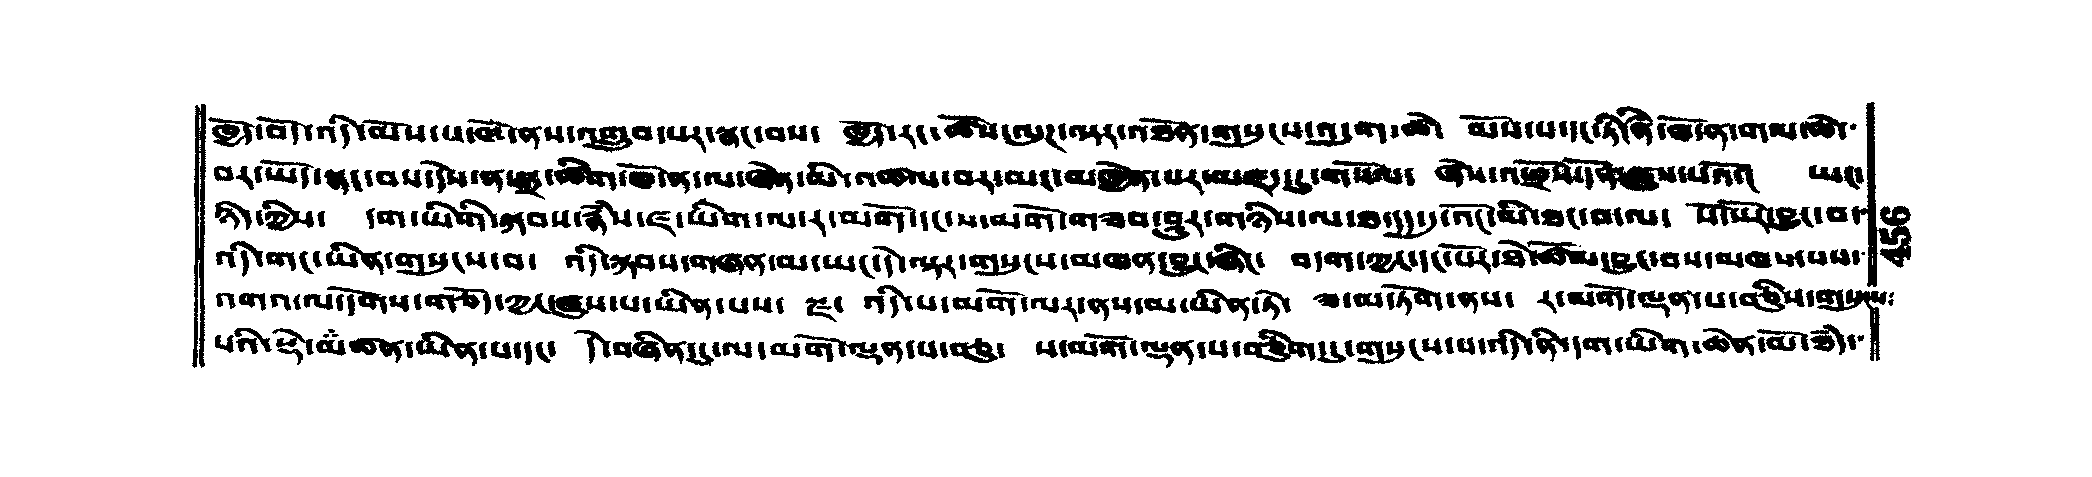ཁྱོད་བོད་འདི་མོས་པ་ཁོ་ནས་འགྲུབ་པར་སྣང་བས། ཁྱོད་རང་ཚོའི་ལུགས་ལྟར་འཐོན་གསུངས་འདུག་ཚེ། མོས་པ་དང་ཏིང་འཛིན་ཁོ་ན་གལ་ཆེ་
བར་ཡོད་སྣང་བས་དེས་ན་སྒྲ་ཚིག་ཁོ་ན་ལ་ཞེན་མི་འཚལ་བར་ཡང་མཁྱེན་པར་མཛད་དུ་གསོལ། ཞེས་འཕྲོས་དོན་ཞུས་པའོ། ཡང་
ཉིད་ཀྱིས། དག་ཡིག་གི་སྐབས་རྣམས་ཛ་ཡིག་ལ་ར་མགོ་དང་ས་མགོ་གཟབ་ཤུར་གཉིས་ལ་ཐ་དད་དུ་འོང་མི་ཐང་བ་ལ། སོ་སོར་བྱུང་བ་
འདི་གང་ཡིན་གསུངས་བ། འདི་སྐབས་གཞན་མ་ཡང་དེ་ལྟར་གསུང་མཁན་བྱུང་ཞིང་། བདག་ཀྱང་དང་པོར་ཐེ་ཚོམ་བྱུང་བས་མཁས་པ་
འགའ་ལ་དོགས་གཅོད་ཀྱང་ཞུས་པ་ཡིན་པས། རྫ། འདི་པ་མགོ་ལར་ནས་མ་ཡིན་ཏེ། ཟ་མ་ཏོག་ནས། ར་མགོ་ལྡན་པ་བཅུ་གཉིས་གསུངས་
པའི་སྡེ་མཚན་ཡིན་པ་དང་། དེ་བཞིན་དུ་ལ་མགོ་ལྡན་པ་བཅུ། ས་མགོ་ལྡན་པ་བཅུ་གཅིག་དུ་གསུངས་པ་འདི་ནི་དག་ཡིག་ཆེན་མོ་ཐམས་ཅད་